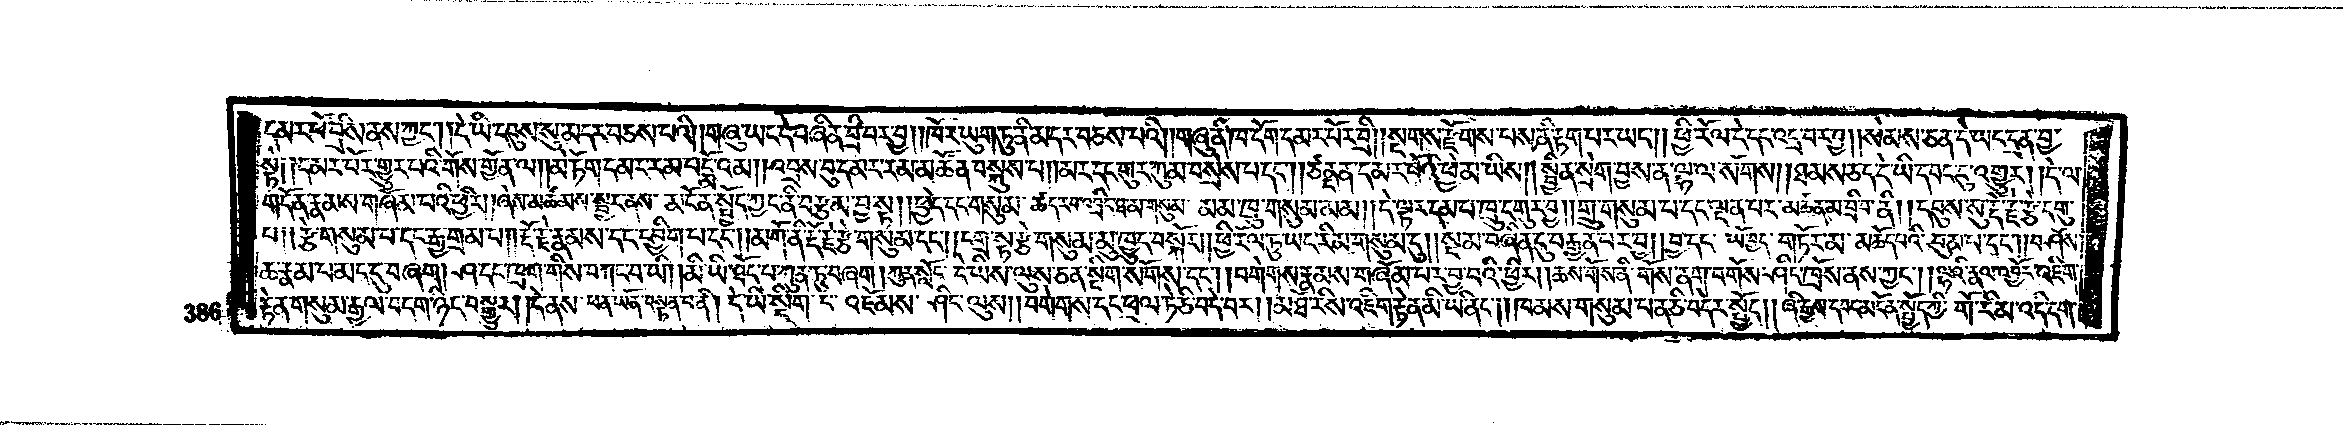བ་དམར་པོ་བྲིས་ནས་ཀྱང་། །དེ་ཡི་དབུས་སུ་མདར་བཅས་པའི། །གཞུ་ཡང་དེ་བཞིན་བྲི་བར་བྱ། །ཁོར་ཡུག་ཏུ་ནི་མདར་བཅས་པའི། །གཞུ་ནི་ཁ་དོག་དམར་པོར་བྲི། །སྔགས་རྫོགས་པས་ནི་རྟག་པར་ཡང་། །ཕྱི་རོལ་དེ་དང་འདྲ་བར་བྱ། །སེམས་ཅན་དེ་ཡང་དྲན་བྱ་
སྟེ། །དམར་པོར་གྱུར་པའི་གོས་གྱོན་ལ། །མེ་ཏོག་དམར་རམ་པདམོ་འམ། །འབྲས་བུ་དམར་རམ་མཚོན་བསྐུས་པ། །མར་དང་གུར་ཀུམ་བསྲེས་པ་དང་། །ཙནྡན་དམར་པོའི་ཕྱི་མ་ཡིས། །སྦྱིན་སྲེག་བྱས་ན་ལྷ་ལ་སོགས། །ཐམས་ཅད་དེ་ཡི་དབང་དུ་འགྱུར། །དེ་ལ་
གདོན་རྣམས་གཞོམ་པའི་ཕྱིར། ། ཞེས་མཚམས་སྦྱར་ནས་མངོན་སྤྱོད་ཀྱང་ནི་བརྩམ་བྱ་སྟེ། །ཕྱེད་དང་གསུམ་ཚད་རབ་འབྲིང་ཐ་མ་གསུམ་མམ་ཁྲུ་གསུམ་མམ། །དེ་ལྟར་དམ་པ་ཁྲུ་དགུར་བྱ། །གྲུ་གསུམ་པ་དང་ལྡན་པར་མཚན་མ་བྲི་བ་ནི། །དབུས་སུ་རྡོ་རྗེ་རྩེ་དགུ་
པ། །རྩེ་གསུམ་པ་དང་རྒྱ་གྲམ་པ། །རྡོ་རྗེ་རྣམས་དང་དབྱིག་པ་དང་། །མགོ་ནི་རྡོ་རྗེ་རྩེ་གསུམ་དང་། །དགྲ་སྟ་རྩེ་གསུམ་མུ་ཁྱུད་བསྐོར། །ཕྱི་རོལ་ཏུ་ཡང་རིམ་གསུམ་དུ། །སྔ་མ་བཞིན་དུ་བརྒྱན་པར་བྱ། །བྱ་དང་ཡོ་བྱད་གཏོར་མ་མཆོད་པའི་བུམ་པ་དང་། །བཤོས་
ཆ་རྣམ་པ་མང་དུ་བཞག །ཤ་དང་ཁྲག་གིས་བཀང་བ་ཡི། །མི་ཡི་ཐོད་པ་ཀུན་ཏུ་བཞག ། ཀུན་སློང་དེ་ཡིས་ལུས་ཅན་སྡིག་སོགས་དང་། །བགེགས་རྣམས་གཞོམ་པར་བྱ་བའི་ཕྱིར། ། ཆས་གོས་ནི་གོས་ནག་བགོས་ཤིང་ཁྲོས་ནས་ཀྱང་། ། ལྷའི་རྣལ་འབྱོར་འཇིག་
རྟེན་གསུམ་རྒྱལ་བདག་ཉིད་བསྒྱུར། །དེ་ནས་ཕན་ཡོན་བསྟན་པ་ནི།  དེ་ཡི་སྡིག་པ་འཇོམས་ཤིང་ལུས། །བགེགས་དང་ཕྲལ་ཏེ་ཅི་བདེ་བར། །མཐོ་རིས་འཇིག་རྟེན་མི་ཡི་ནང་། །ཁམས་གསུམ་པ་ན་ཅི་བདེར་སྤྱོད། ། ཞི་རྒྱས་དབང་མངོན་སྤྱོད་ཀྱི་གོ་རིམ་འདི་དག་